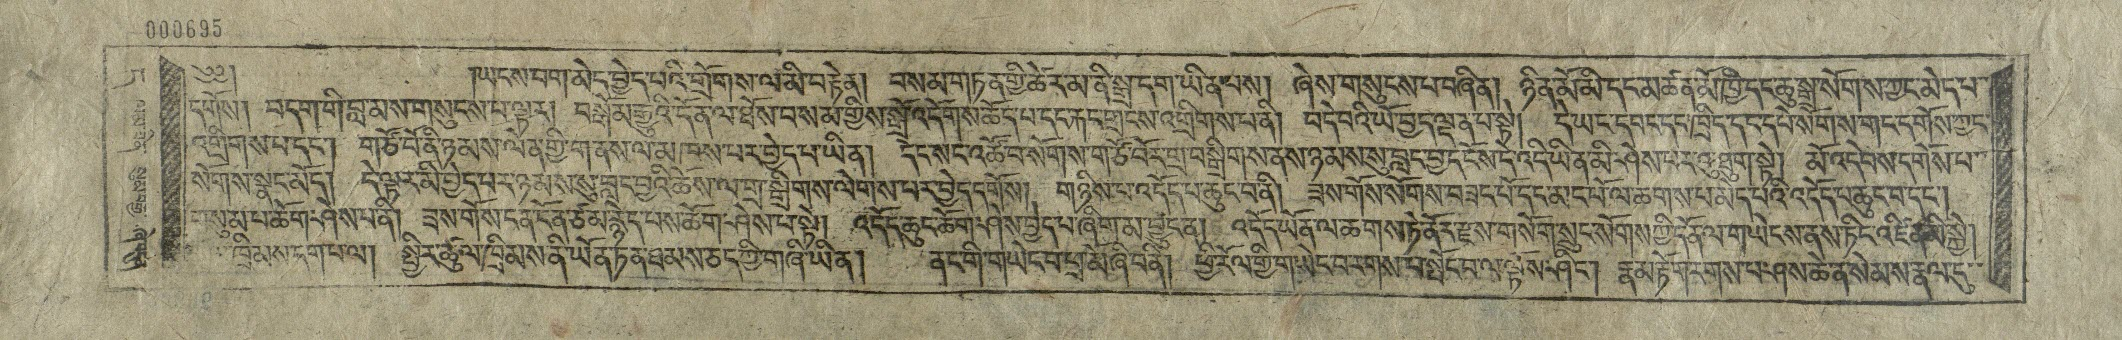༄༅། །ཡངས་བག་མེད་བྱེད་པའི་གྲོགས་ལ་མི་བརྟེན། བསམ་གཏན་གྱི་ཚེར་མ་ནི་སྒྲ་དག་ཡིན་པས། ཞེས་གསུངས་པ་བཞིན། ཉིན་མོ་མི་དང་མཚན་མོ་ཁྱི་དང་ཆུ་སྒྲ་སོགས་ཀྱང་མེད་པ་
དགོས། བདག་གི་བླ་མས་གསུངས་པ་ལྟར། བསྒོམ་རྒྱུའི་དོན་ལ་ཐོས་བསམ་གྱིས་སྒྲོ་འདོགས་ཆོད་པ་དང་རྐང་གྲངས་འགྲིགས་པ་ནི། བདེ་བའི་ཡོ་བྱད་ལྡན་པ་སྟེ། དེ་ཡང་དབང་དང་ཁྲིད་དང་དཔེ་སོགས་གང་དགོས་ཀྱང་
འགྲིགས་པ་དང་། གཙོ་བོ་ནི་ཉམས་ལེན་གྱི་གནས་ལ་མཁས་པར་བྱེད་པ་ཡིན། དེང་སང་འཚོ་བ་སོགས་གཙོ་བོར་གྲ་བསྒྲིགས་ནས་ཉམས་སུ་བླང་བྱ་དངོས་དེ་འདི་ཡིན་མི་ཤེས་པར་འུ་ཐུག་སྟེ། མོ་འདེབས་དགོས་པ་
སོགས་སྣང་མོད། དེ་ལྟར་མི་བྱེད་པར་ཉམས་སུ་བླང་བྱའི་ཆོས་ལ་གྲ་སྒྲིགས་ལེགས་པར་བྱེད་དགོས། གཉིས་པ་འདོད་པ་ཆུང་བ་ནི། ཟས་གོས་སོགས་བཟང་པོ་དང་མང་པོ་ལ་ཆགས་པ་མེད་པའི་འདོད་པ་ཆུང་བ་དང་།
གསུམ་པ་ཆོག་ཤེས་པ་ནི། ཟས་གོས་ངན་ངོན་ཙམ་རྙེད་པས་ཆོག་ཤེས་པ་སྟེ། འདོད་ཆུང་ཆོག་ཤེས་བྱེད་པ་ཞིག་མ་བྱུང་ན། འདོད་ཡོན་ལ་ཆགས་ཏེ་ནོར་རྫས་གསོག་སྲུང་སོགས་ཀྱི་དོན་ལ་གཡེངས་ནས་ཏིང་འཛིན་མི་སྐྱེ།
ཚུལ་ཁྲིམས་དག་པ་ལ། སྤྱིར་ཚུལ་ཁྲིམས་ནི་ཡོན་ཏན་ཐམས་ཅད་ཀྱི་གཞི་ཡིན། ནང་གི་གཡེང་བ་ཕྲ་མོ་ཞི་བ་ནི། ཕྱི་རོལ་གྱི་གཡེང་བ་རགས་པ་སྤོང་བ་ལ་ལྟོས་ཤིང་། རྣམ་རྟོག་རགས་པ་ཤས་ཆེ་ན་སེམས་རྣལ་དུ་